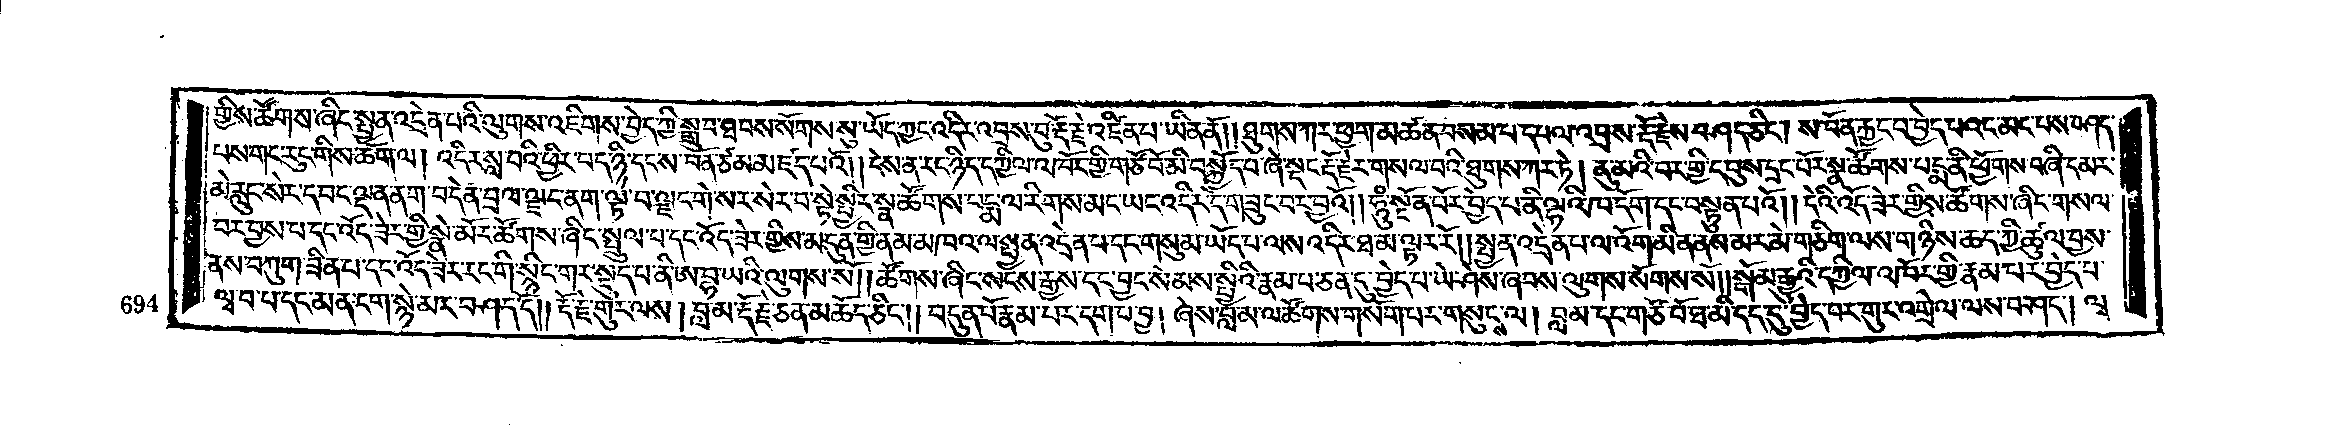གྱིས་ཚོགས་ཞིང་སྤྱན་འདྲེན་པའི་ལུགས་འཇིགས་བྱེད་ཀྱི་སྒྲུབ་ཐབས་སོགས་སུ་ཡོད་ཀྱང་འདིར་འབྲས་བུ་རྡོ་རྗེ་འཛིན་པ་ཡིན་ནོ། །ཐུགས་ཀར་ཕྱག་མཚན་བསམ་པ་དཔལ་འབྲས་རྡོ་རྗེས་བཤད་ཅིང་། ས་བོན་རྐྱང་པ་བྱེད་པའང་མང་པས་བཤད་
པས་གང་རུང་གིས་ཆོག་ལ། འདིར་སླ་བའི་ཕྱིར་པད་ཉི་དང་ས་བོན་ཙམ་མཛད་པའོ། །དེས་ན་རང་ཉིད་དཀྱིལ་འཁོར་གྱི་གཙོ་བོ་མི་བསྐྱོད་པ་ཞེ་སྡང་རྡོ་རྗེར་གསལ་བའི་ཐུགས་ཀར་ཏེ། ནུ་མའི་བར་གྱི་དབུས་དྲང་པོར་སྣ་ཚོགས་པདམ་ནི་ཕྱོགས་བཞི་དམར་
མེ་རླུང་སེར་དབང་ལྡན་ནག་བདེན་བྲལ་ལྗང་ནག་ལྟེ་བ་ལྗང་གེ་སར་སེར་བ་སྟེ་སྤྱིར་སྣ་ཚོགས་པདམ་ལ་རིགས་མང་ཡང་འདིར་དེ་གཟུང་བར་བྱའོ། །ཧཱུཾ་སྔོན་པོར་བྱེད་པ་ནི་ལྷའི་ཁ་དོག་དང་བསྟུན་པའོ། །དེའི་འོད་ཟེར་གྱིས་ཚོགས་ཞིང་གསལ་
བར་བྱས་པ་དང་འོད་ཟེར་གྱི་སྣེ་མོར་ཚོགས་ཞིང་སྤྲུལ་པ་དང་འོད་ཟེར་གྱིས་མདུན་གྱི་ནམ་མཁའ་ལ་སྤྱན་འདྲེན་པ་དང་གསུམ་ཡོད་པ་ལས་འདིར་ཐ་མ་ལྟར་རོ། །སྤྱན་འདྲེན་པ་ལ་འོག་མིན་ནས་མར་མེ་གཅིག་ལས་གཉིས་ཆད་ཀྱི་ཚུལ་བྱས་
ནས་བཀུག་ཟིན་པ་དང་འོད་ཟེར་རང་གི་སྙིང་གར་སྡུད་པ་ནི་ཨ་བྷ་ཡའི་ལུགས་སོ། །ཚོགས་ཞིང་སངས་རྒྱས་དང་བྱང་སེམས་སྤྱིའི་རྣམ་པ་ཅན་དུ་བྱེད་པ་ཡེ་ཤེས་ཞབས་ལུགས་སོགས་སོ། །སྒོམ་རྒྱུའི་དཀྱིལ་འཁོར་གྱི་རྣམ་པར་བྱེད་པ་
ལྭ་བ་པ་དང་མན་ངག་སྙེ་མར་བཤད་དོ། །རྡོ་རྗེ་གུར་ལས། བླ་མ་རྡོ་རྗེ་ཅན་མཆོད་ཅིང་། །བདུན་པོ་རྣམ་པར་དག་པ་བྱ། ཞེས་བླ་མ་ལ་ཚོགས་གསོག་པར་གསུངས་ལ། བླ་མ་དང་གཙོ་བོ་ཐ་མི་དད་དུ་བྱེད་པར་གུར་འགྲེལ་ལས་བཤད། ལྭ་